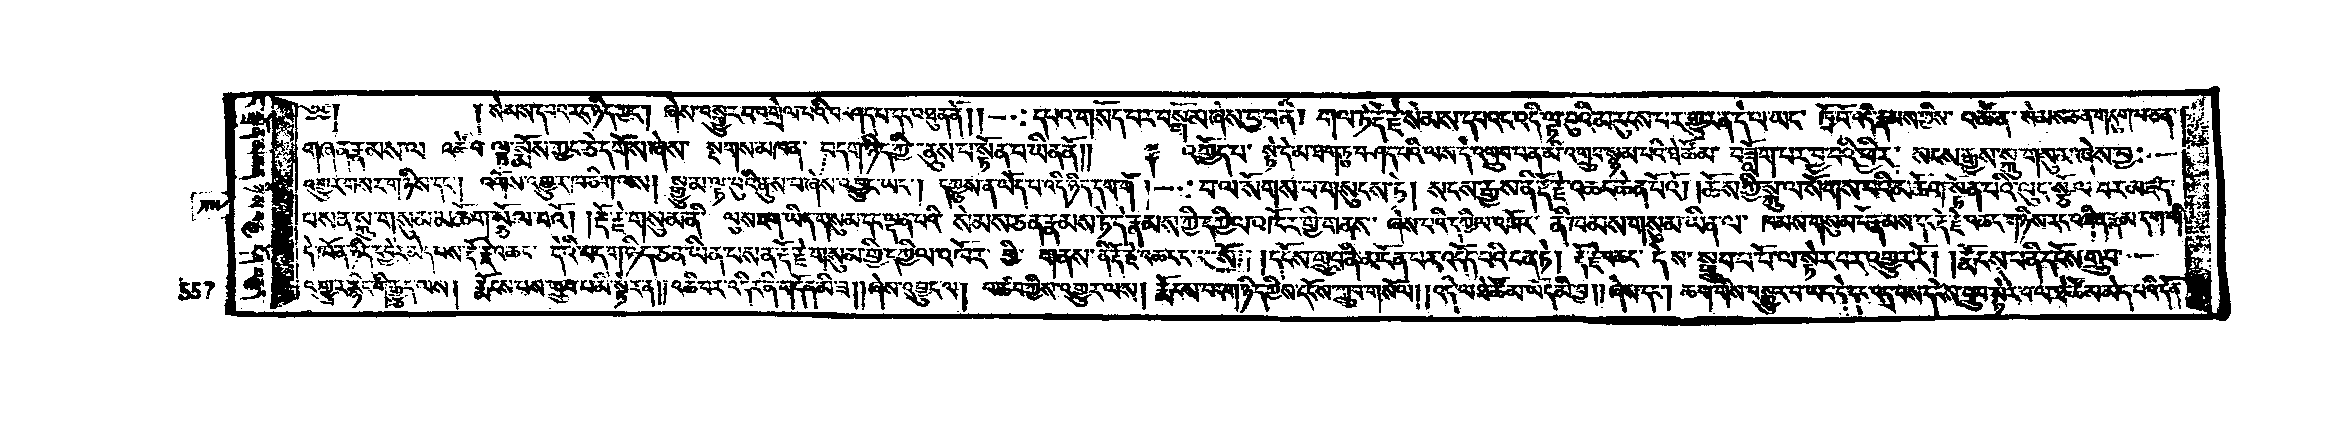༄༅། །སེམས་དཔའ་རང་ཉིད་ཀྱང་། ཞེས་བསྒྱུར་བ་འགྲེལ་བའི་བཤད་པ་དང་འཐུན་ནོ། ། .Hདཔའ་གསོད་པར་བསྒོམ་ཞེས་བྱ་བ་ནི། གལ་ཏེ་རྡོ་རྗེ་སེམས་དཔའང་འདི་ལྟ་བུའི་མ་རུངས་པར་གྱུར་ན་དེ་ལ་ཡང་ཁྲོ་བོ་འདི་རྣམས་ཀྱིས་འཚེ་ན་སེམས་ཅན་གདུག་པ་ཅན
གཞན་རྣམས་ལ་འཚེ་བ་ལྟ་སྨོས་ཀྱང་ཅེ་དགོས་ཞེས་སྔགས་མཁན་བདག་ཉིད་ཀྱི་ནུས་པ་སྟོན་པ་ཡིན་ནོ།། ༈ འགྱོད་པ་སྟེ་དེ་མ་ཐག་ཏུ་བཤད་པའི་ལས་དེ་འགྲུབ་པ་ན་མི་འགྲུབ་སྙམ་པའི་ཐེ་ཚོམ་བཟློག་པར་བྱ་བའི་ཕྱིར་སངས་རྒྱས་སྐུ་གསུམ་ཞེས་བྱཿ
འགྱུར་གསར་གཉིས་དང་། འགོས་འགྱུར་ཁ་ཅིག་ལས། སྒྱུ་མ་ལྟ་བུའི་ནུས་པ་ཞེས་འབྱུང་ཡང་། དཀྱུས་ན་ཡོད་པ་འདི་ཉིད་དག་གོ །  .Hབ་ལ་སོགས་པ་གསུངས་ཏེ། སངས་རྒྱས་ནི་རྡོ་རྗེ་འཆང་ཆེན་པོའོ། །ཆོས་ཀྱི་སྐུ་ལ་སོགས་པའི་མཆོག་སྟོན་པའི་ལུང་སྩོལ་བར་མཛད་
པས་ན་སྐུ་གསུམ་མཆོག་སྩོལ་བའོ། །རྡོ་རྗེ་གསུམ་ནི་ལུས་ངག་ཡིད་གསུམ་དང་ལྡན་པའི་སེམས་ཅན་རྣམས་ཏེ་དེ་རྣམས་ཀྱི་དཀྱིལ་འཁོར་གྱི་གནས་ཞེས་པའི་དཀྱིལ་འཁོར་ནི་ཁམས་གསུམ་ཡིན་ལ་ཁམས་གསུམ་པོ་རྣམས་དང་རྡོ་རྗེ་འཆང་གཉིས་རང་བཞིན་རྣམ་དག་གི་
དེ་ཁོ་ན་ཉིད་དབྱེར་མེད་པས་རྡོ་རྗེ་འཆང་དེའི་བདག་ཉིད་ཅན་ཡིན་པས་ན་རྡོ་རྗེ་གསུམ་གྱི་དཀྱིལ་འཁོར་གྱི་གནས་ནི་རྡོ་རྗེ་འཆང་ང་སོ། །དངོས་གྲུབ་ནི་མངོན་པར་འདོད་པའི་དན་ཏེ། རྡོ་རྗེ་འཆང་དེས་སྒྲུབ་པ་པོ་ལ་སྟེར་བར་འགྱུར་རོ། །རྨོངས་པ་ནི་དངོས་གྲུབཿ
འགྱུར་རྙིང་གི་རྒྱུད་ལས། རྨོངས་པས་གྲུབ་པ་མི་སྟེར་ན། །འཆི་བར་འདིར་ནི་གདོན་མི་ཟ། །ཞེས་འབྱུང་ལ། པ་ཚབ་ཀྱིས་འགྱུར་ལས། རྨོངས་བདག་ཉིད་ཀྱིས་དངོས་གྲུབ་གསོལ། །འདི་ལ་ཐེ་ཚོམ་ཡོད་མི་བྱ། །ཞེས་དང་། ཆག་གིས་བསྒྱུར་བ་ཡང་དེ་དང་འདྲ་བས་དངོས་གྲུབ་སྟེར་བ་ལ་ཐེ་ཚོམ་མེད་པའི་དོན་